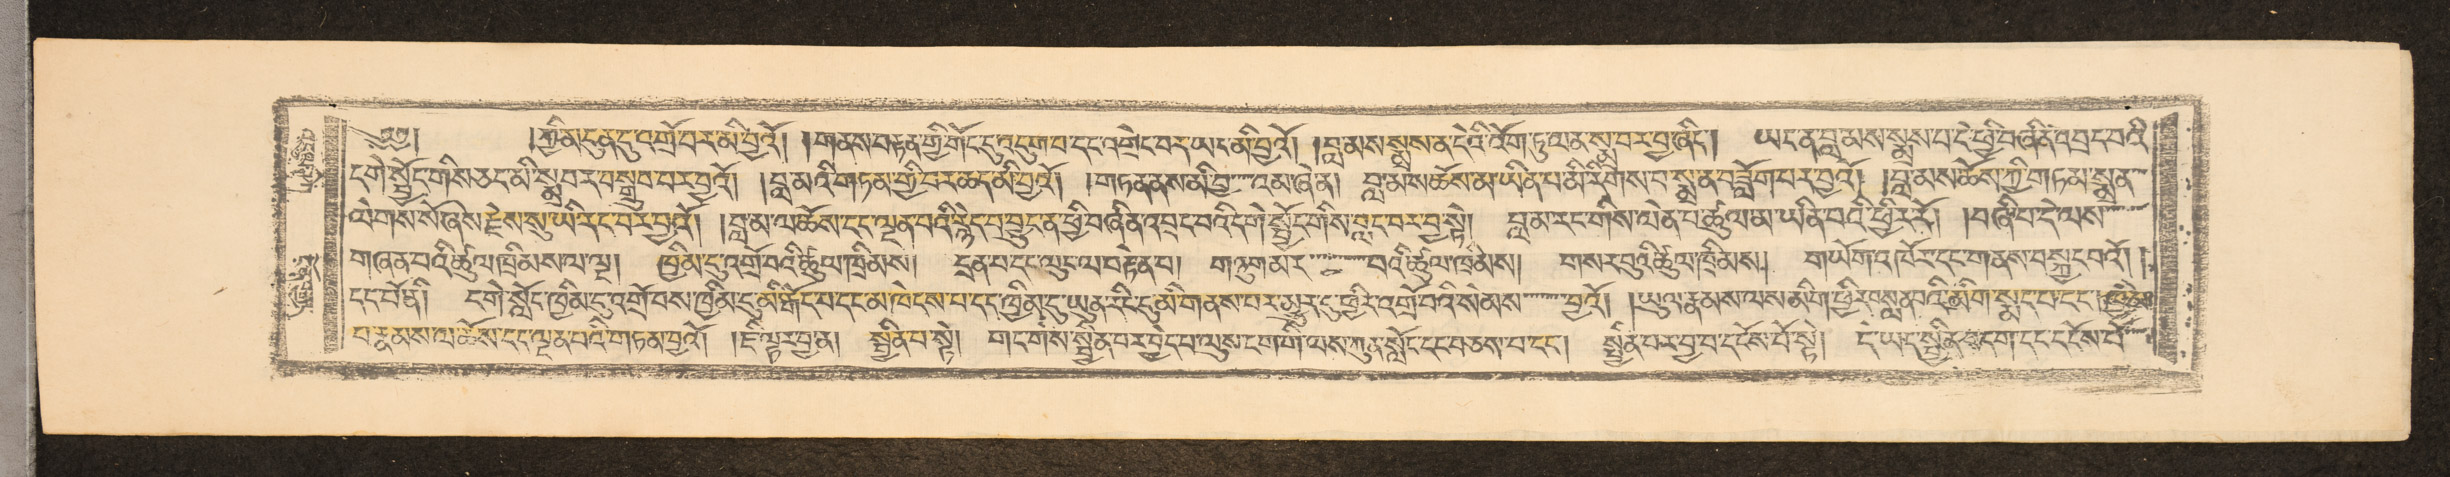༄༅། །ཀྱི་མདུན་དུ་འགྲོ་བར་མི་བྱའོ། །གནས་བརྟན་གྱི་གོང་དུ་འདུག་པ་དང་འགྲེང་བར་ཡང་མི་བྱའོ། །བླ་མ་སྨྲས་ན་དེའི་འོག་ཏུ་ལན་སྨྲ་བར་བྱ་ཞིང་། ཡང་ན་བླ་མས་སྨྲས་པ་དེ་ཕྱི་བཞིན་འབྲང་བའི་
དགེ་སྦྱོང་གིས་ཅང་མི་སྨྲ་བར་བསྒྲུབ་པར་བྱའོ། །བླ་མའི་གཏམ་གྱི་བར་ཆད་མི་བྱའོ། །གཏན་ནས་མི་བྱ་འམ་ཞེ་ན། བླ་མས་ཆོས་མ་ཡིན་པ་མི་རིགས་པ་སྨྲ་ན་བཟློག་པར་བྱའོ། །བླ་མས་ཆོས་ཀྱི་གཏམ་སྨྲ་ན་
ལེགས་སོ་ཞེས་རྗེས་སུ་ཡི་རང་བར་བྱའོ། །བླ་མ་ལ་ཆོས་དང་ལྡན་པའི་རྙེད་པ་བྱུང་ན་ཕྱི་བཞིན་འབྲང་བའི་དགེ་སྦྱོང་གིས་བླང་བར་བྱ་སྟེ། བླ་མ་རང་གིས་ལེན་པ་ཚུལ་མ་ཡིན་པའི་ཕྱིར་རོ། །བཞི་པ་དེ་ལས་
གཞན་པའི་ཚུལ་ཁྲིམས་ལ་ལྔ། ཁྱིམ་དུ་འགྲོ་བའི་ཚུལ་ཁྲིམས། དྲན་པ་དང་ལུང་ལ་བརྟེན་པ། གཉུག་མར་པའི་ཚུལ་ཁྲིམས། གསར་བུའི་ཚུལ་ཁྲིམས། གཡོག་འཁོར་དང་གནས་བསྐྱང་བའོ། །
དང་པོ་ནི། དགེ་སློང་ཁྱིམ་དུ་འགྲོ་བས་ཁྱིམ་དུ་མི་རྒོད་པ་དང་མ་ཁེངས་པ་དང་ཁྱིམ་དུ་ཡུན་རིང་དུ་མི་གནས་པར་མྱུར་དུ་ཕྱིར་འགྲོ་བའི་སེམས་བྱའོ། །ཡུལ་རྣམས་ལས་མིག་ཕྱིར་བསླན་པའི་མིག་སྨད་པ་དང་། ཁྱིམ་
པ་རྣམས་ལ་ཆོས་དང་ལྡན་པའི་གཏམ་བྱའོ། །ཇི་ལྟར་བྱ་ན། སྦྱིན་པ་སྟེ། གང་གིས་སྦྱིན་པར་བྱེད་པ་ལུས་ངག་གི་ལས་ཀུན་སློང་དང་བཅས་པ་དང་། སྦྱིན་པར་བྱ་བ་དངོས་པོ་སྟེ། དེ་ཡང་སྦྱིན་བདག་དང་དངོས་པོ་